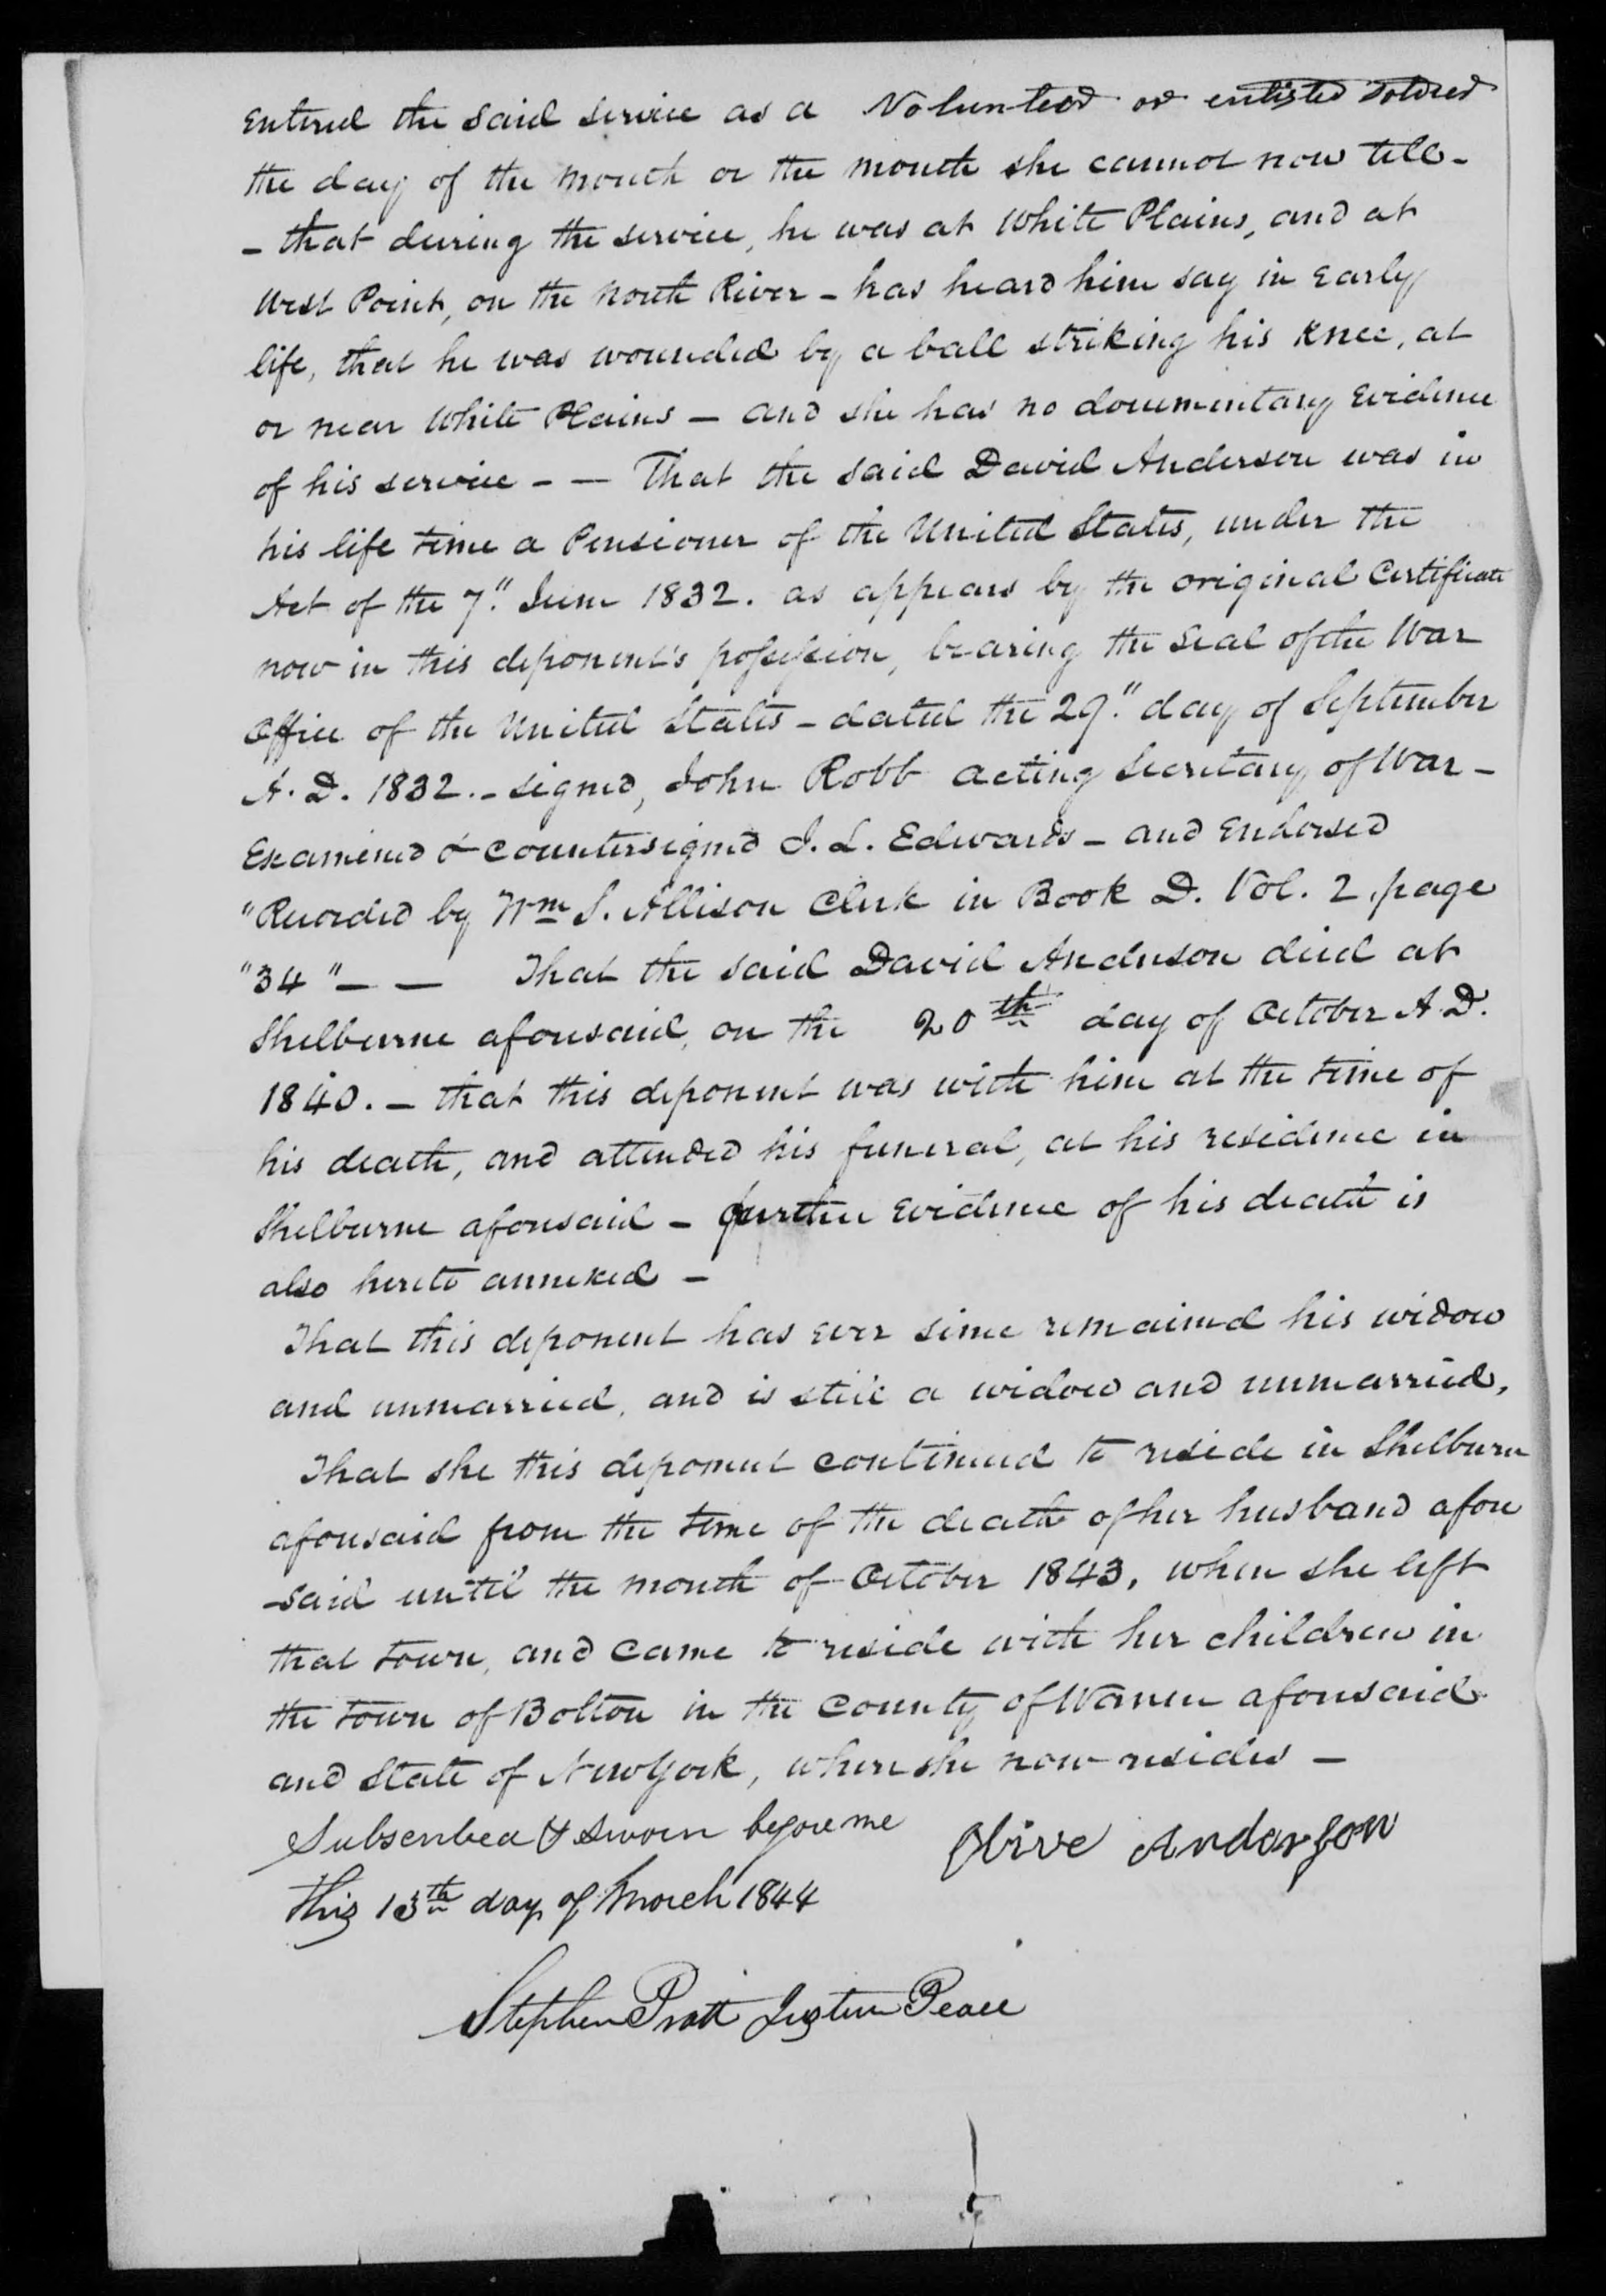entered the said service as a volunteer or enlisted soldier
the day of the month or the month she cannot now tell.
that during the service, he was at White Plains, and at
West Point, on the North River - has heard him say in early
life, that he was wounded by a ball striking his knee, at
or near White Plains - and she has no documentary evidence
of his service-- That the said David Anderson was in
his life time a pensioner of the United States, under the
Act of the 7th June 1832, as appears by the original certificate
now in this deponent's possession, bearing the seal of the war
Office of the United States - dated the 29" day of September
A.D. 1832. Signed, John Robb acting Secretary of War-
Examined & countersigned J.L. Edwards, and endorsed
Recorded by Wm S. Allison Clerk in Book D. Vol. 2 page
"34"-- That the said David Anderson died at
Shelburne aforesaid on the 20th day of October A.D.
1840.-- that this deponent was with him at the time of
his death, and attended his funeral, at his residence in
Shelburne aforesaid - further evidence of his death is
also hereto annexed -
That this deponent has ever since remained his widow
and unmarried and is still a widow and unmarried,
That she this deponent continued to reside in Shelburn
aforesaid from the time of the death of her husband aforesaid 
until the month of October 1843, when she left
that town, and came to reside with her children in
the town of Bolton in the County of Warren aforesaid
and State of New York, where she now resides-
Subscribed & Sworn before me
this 13th day of March 1844
Olive Anderson
Stephen Pratt Justice Peace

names: John Robb, David Anderson, Wm S Allison, Olive Anderson, David Anderson, Stephen Pratt, J L Edwards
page: 18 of 39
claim: widow's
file: W. 20624, David Anderson, Mass